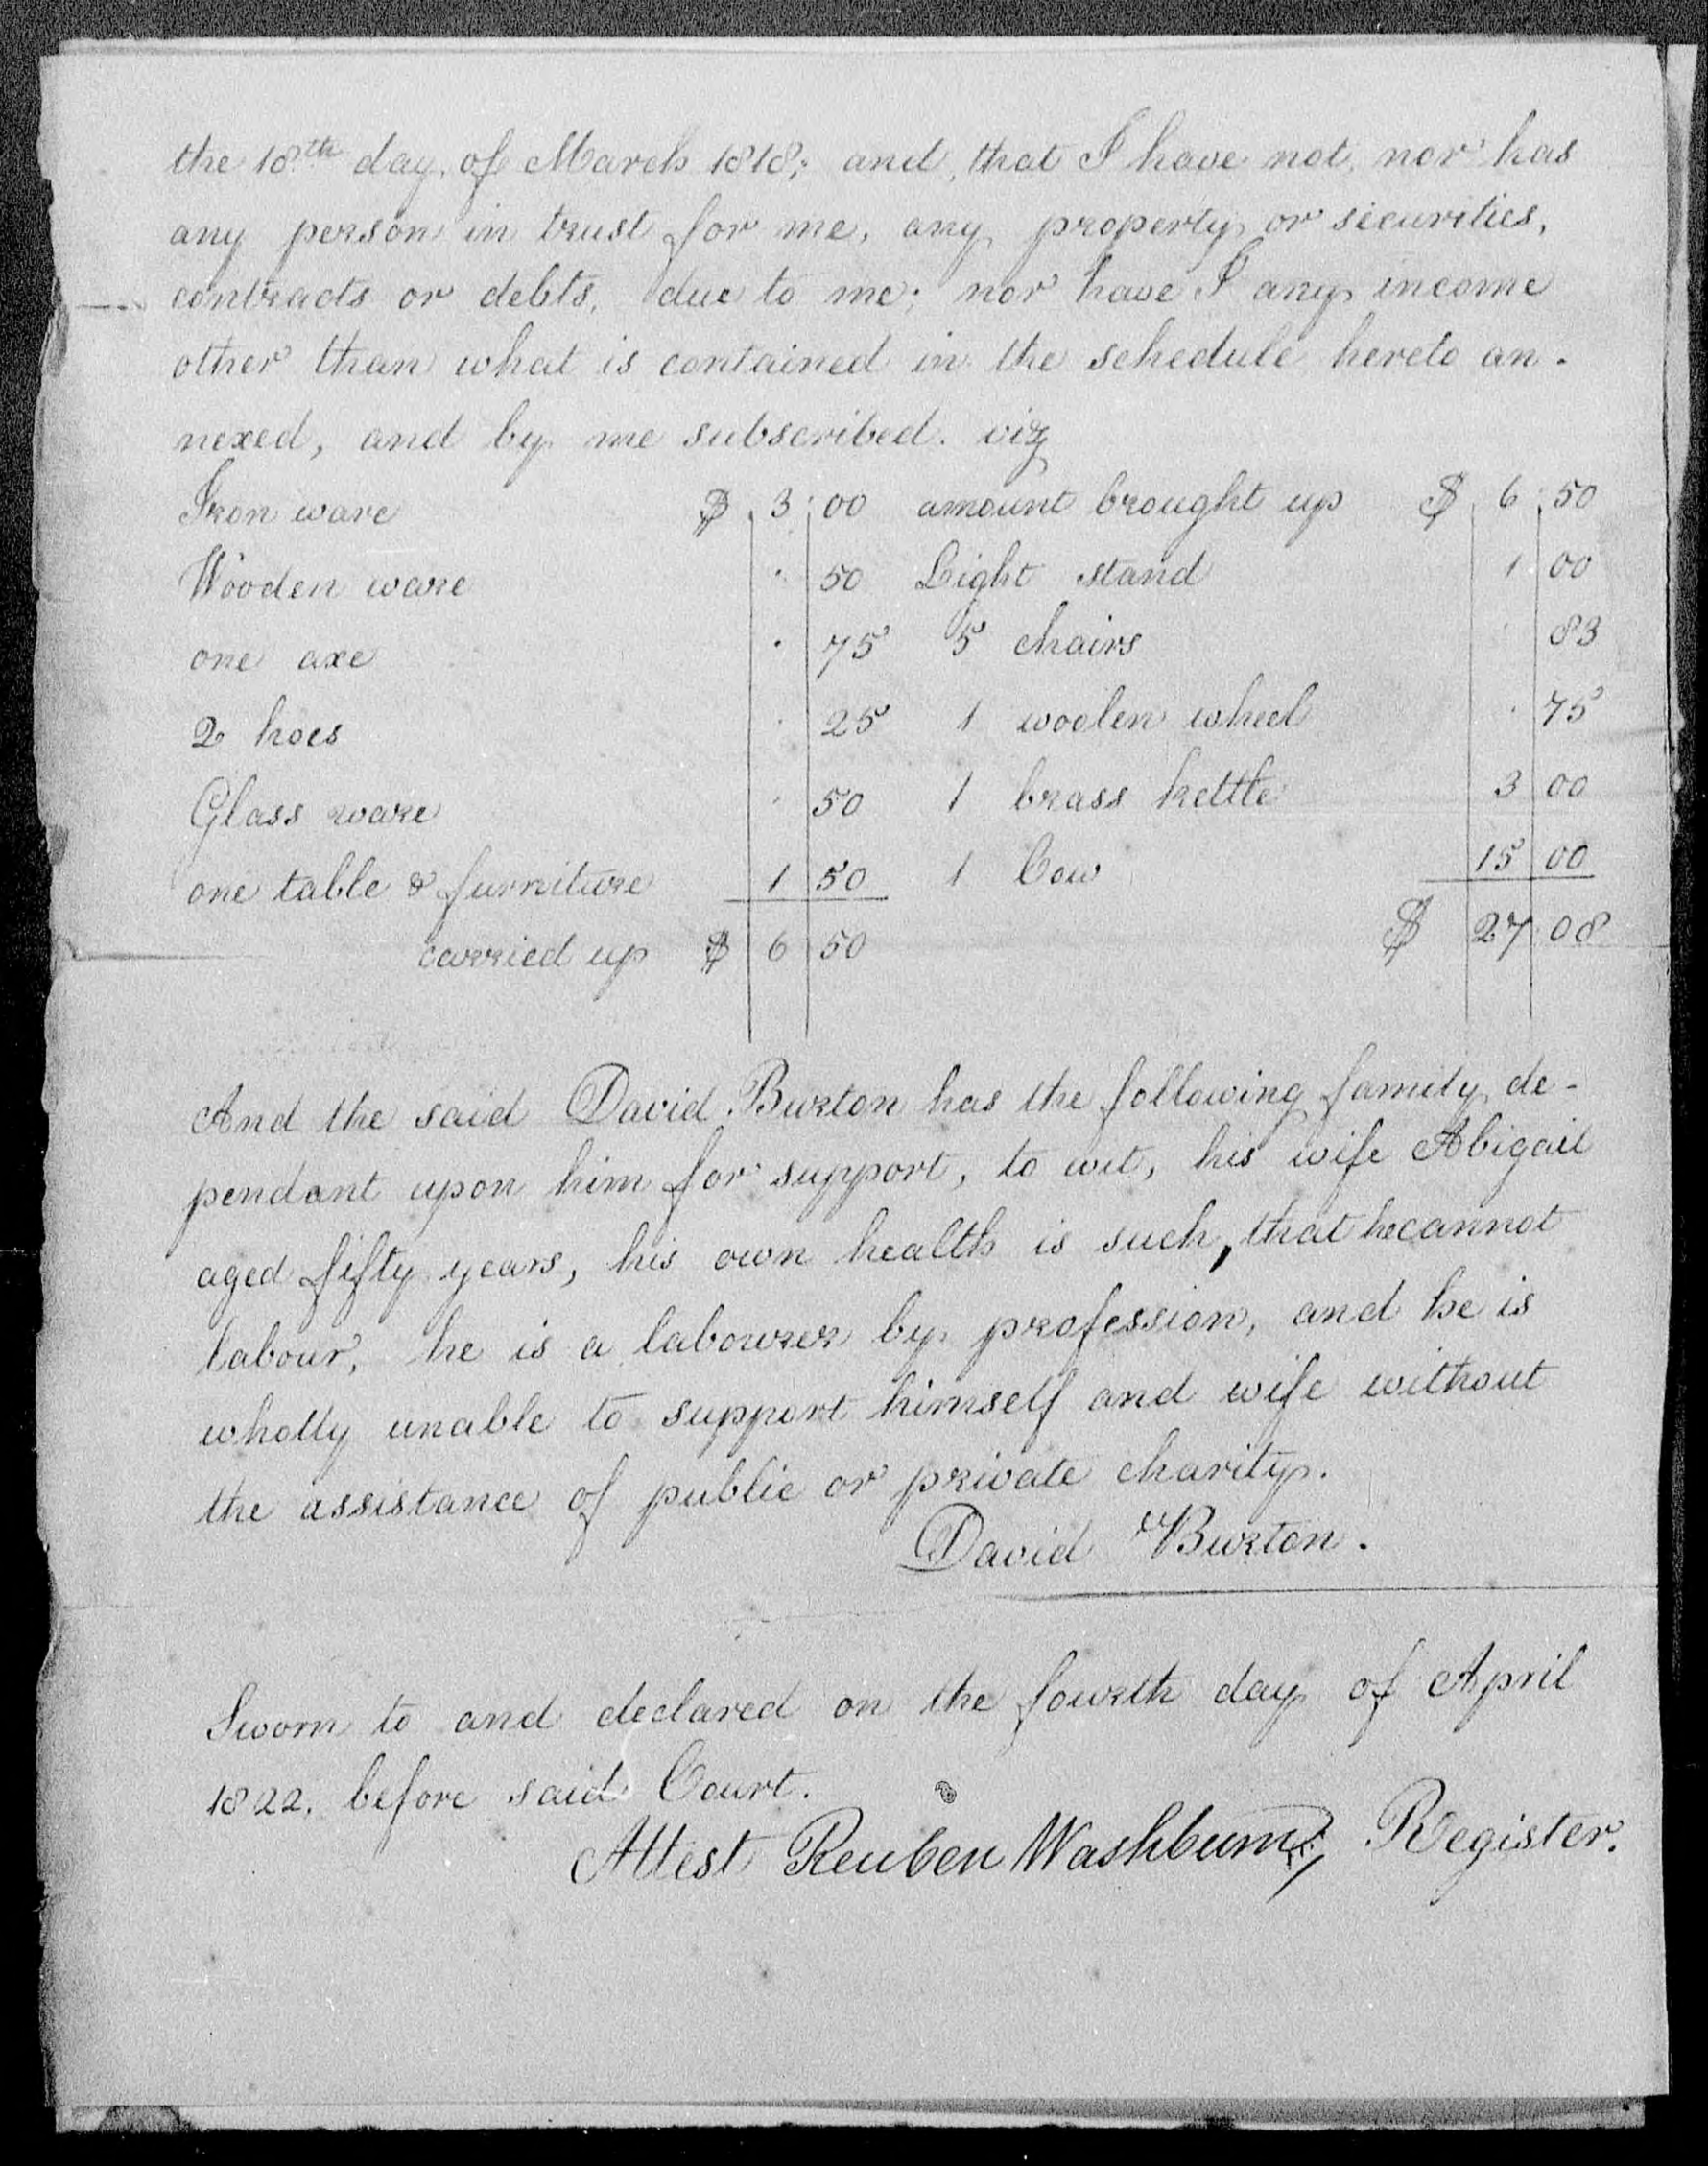the 18th day of March 1818; and that I have not nor has any person in trust for me, any property or securities, contracts or debts, due to me; nor have I any income other than what is contained in the schedule hereto annexed, and by me subscribed, viz
[column 1]
Iron ware -- $3.00
Wooden ware -- .50
one axe --  .75
2 hoes -- .25
Glass ware -- .50
one table & furniture -- 1.50
carried up -- $6.50

[column 2]
amount brought up -- $6.50
Light Stand -- 1.00
5 chairs -- .83
1 woolen wheel -- .75
1 brass kettle -- 3.00
1 Cow -- 15.00
[total] $27.08

And the said David Burton has the following family dependant upon him for support, to wit, his wife Abigail aged fifty years, his own health is such, that he cannot labour, he is a labourer by profession, and he is wholly unable to support himself and wife without the assistance of public or private charity.
[signed] David Burton
Sworn to and declared on the fourth day of April 1822, before said Court.
Attest [signed] Reuben Washburn, Register.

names: David Burton, David Burton, Reuben Washburn, Abigail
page: 11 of 18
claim: survivor's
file: S. 40773, David Burton, N.H.